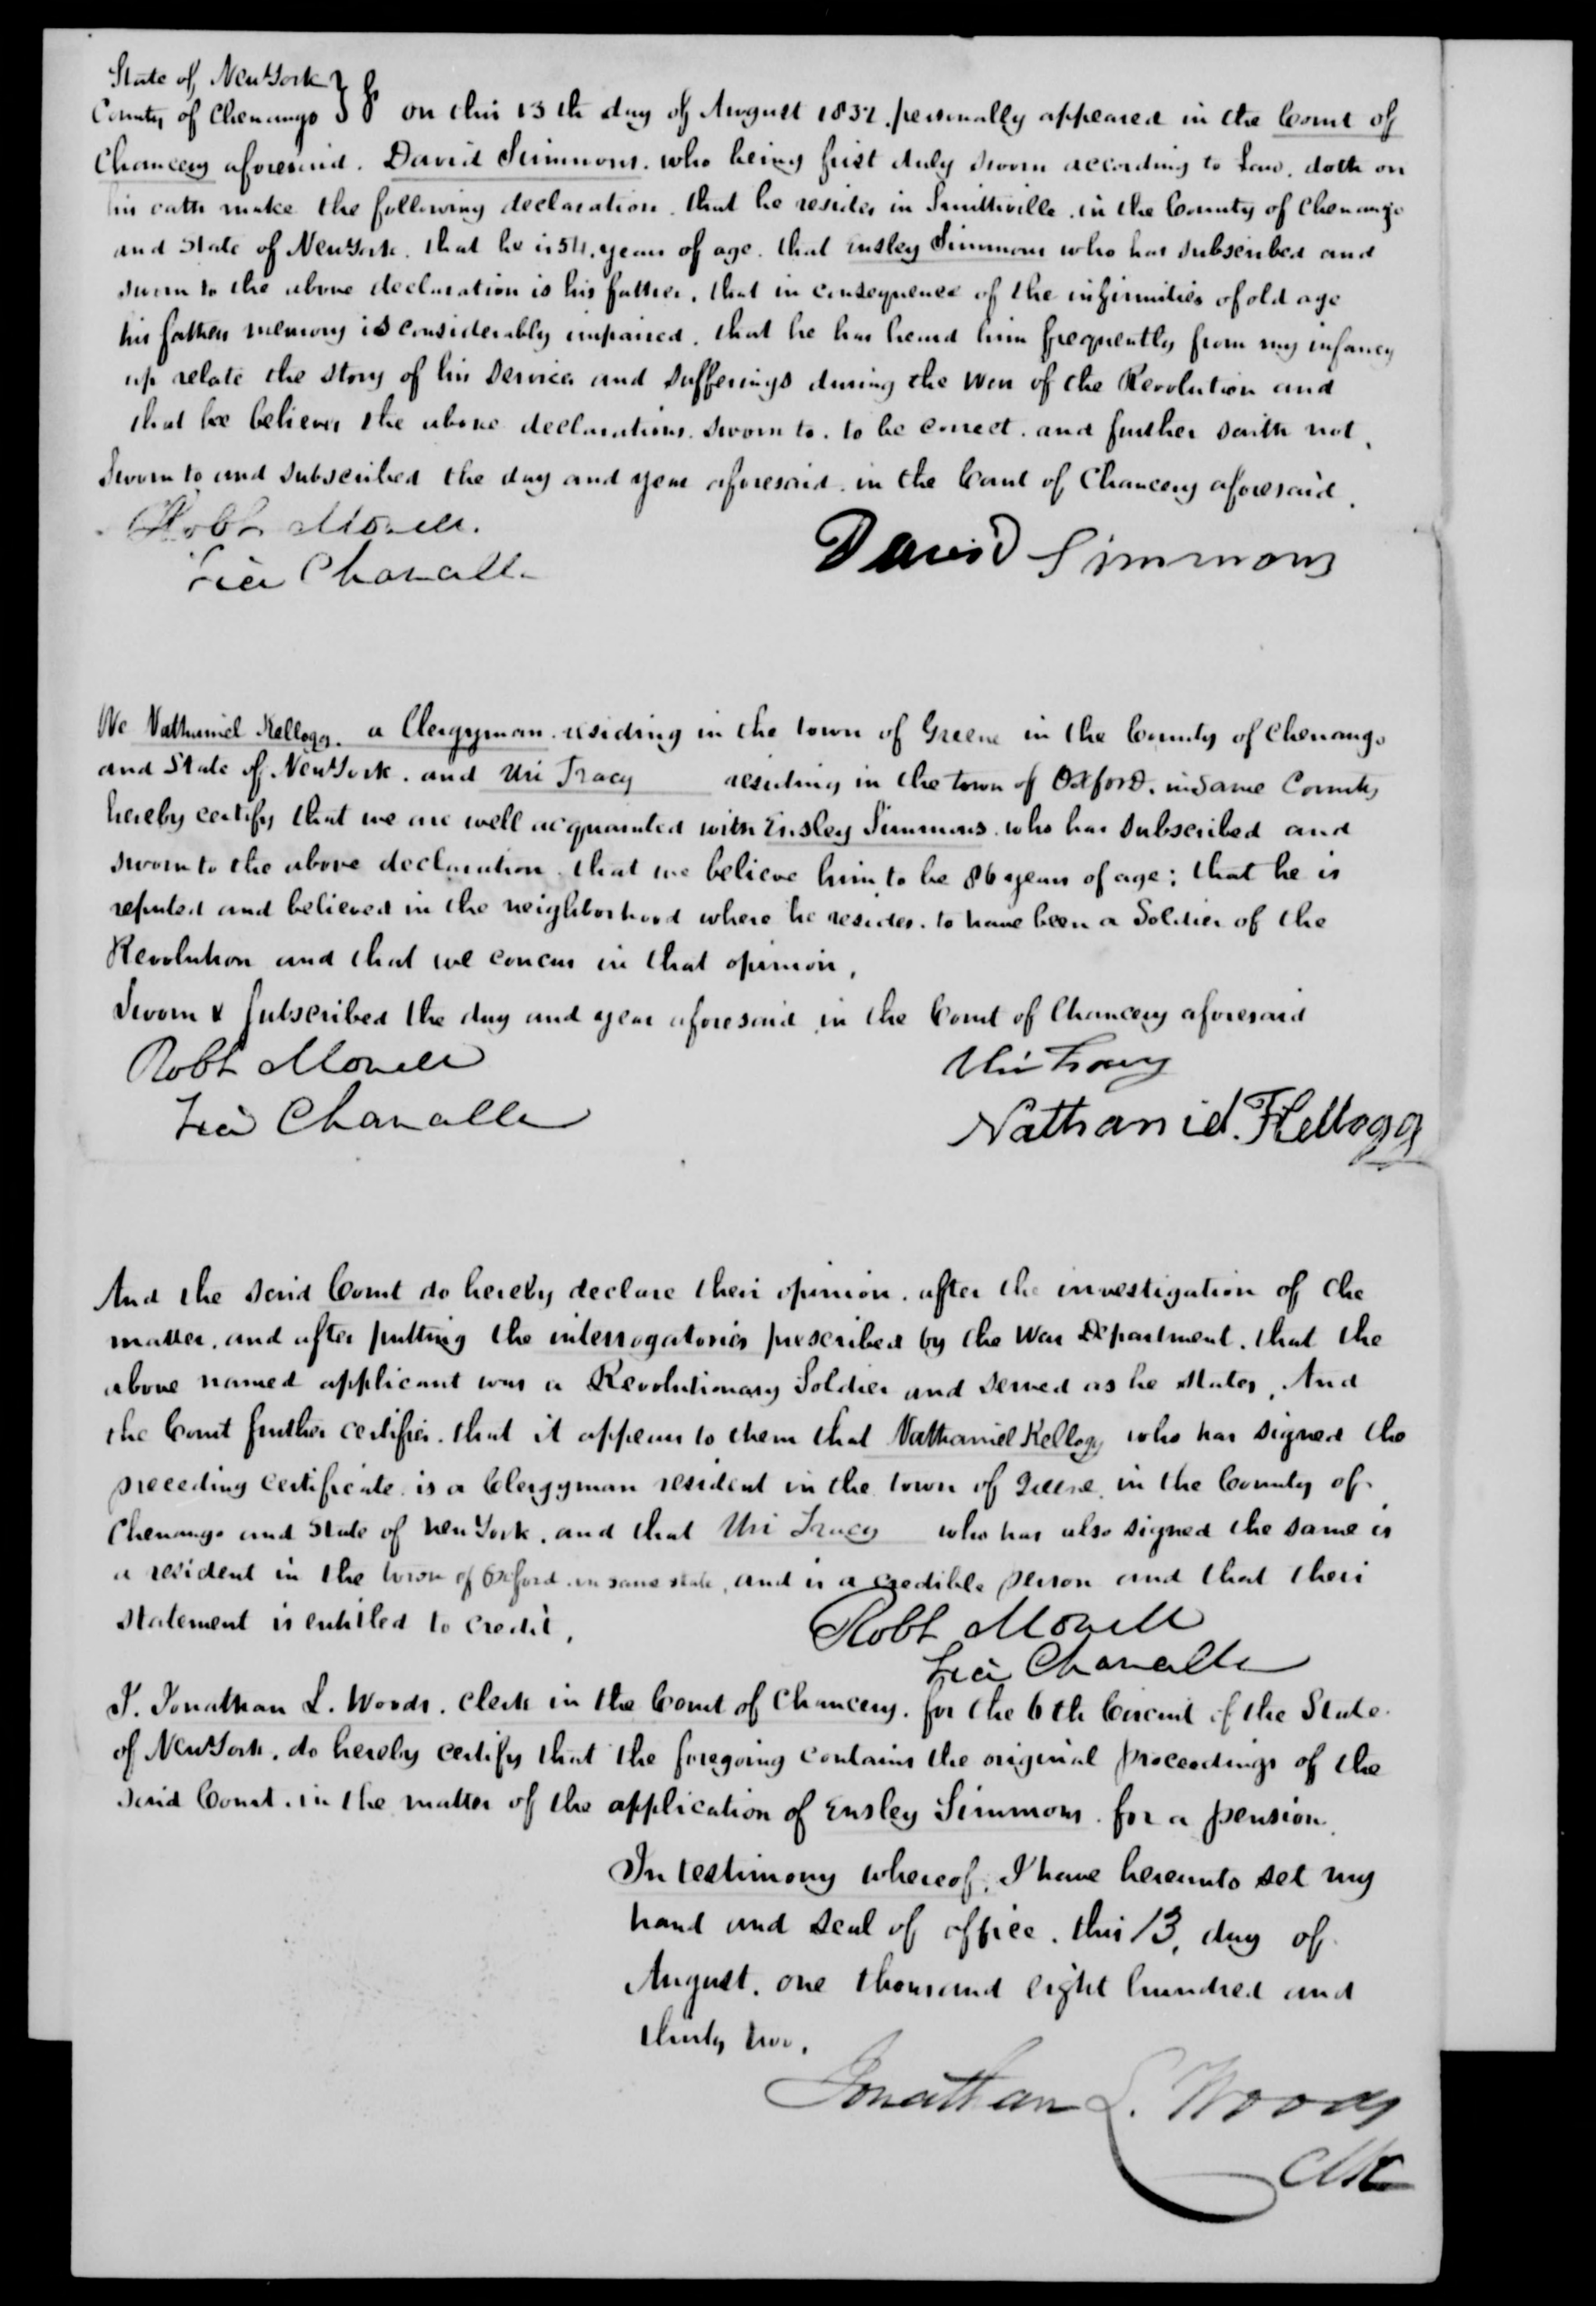State of New York, County of Chenango ss
On this 13th day of August 1832, personally appeared in the Court of Chancery aforesaid, David Simmons, who being first duly sworn according to law, doth on his oath make the following declaration, that he resides in Smithville in the County of Chenango and State of New York, that he is 54 years of age, that Ensley Simmons who has subscribed and sworn to the above declaration is his father, that in consequence of the infirmities of old age his fathers memory is considerably impaired, that he has heard him frequently from my infancy up relate the story of his service and sufferings during the war of the Revolution and that he believes the above declarations sworn to, to be correct and further saith not. 
Sworn to and subscribed the day and year aforesaid, in the Court of Chancery aforesaid.
David Simmons
Robt Morrell
Vice Chanceller

We Nathaniel Kellogg, a clergyman, residing in the town of Greene in the County of Chemongo and State of New York, and Uri Tracy residing in the town of Oxford, in same County hereby certify that we are well acquainted with Ensley Simmons who has subscribed and sworn to the above declaration, that we believe him to be 86 years of age; that he is refuted and believed in the neighborhood where he resides, to have been a soldier of the Revolution and that we concur in that opinion.
Sworn & subscribed the day and year aforesaid in the Court of Chancery aforesaid.
Robt Morrell, Vice Chanceller
Uri Tracy
Nathaniel Kellogg

And the said Court do hereby declare their opinion, after the investigation of the matter, and after putting the interrogatories prescribed by the War Department, that the above named applicant was a Revolutionary soldier and served as he states. And the Court further certifies that it appears to them that Nathaniel Kellogg, who has signed the preceding certificate is a Clergyman resident in the town of Greene, in the County of Chemamgo and State of New York, and that Uri Tracy who has also signed the same is a resident in the town of Oxford in same state, and is a credible person and that their statement is entitled to credit.
Robt Morrell
Vice Chanceller

I, Jonathan L. Woods, Clerk in the Court of Chancery, for the 6th Circuit of the State of New York, do hereby certify that the foregoing contains the original proceedings of the said Court in the matter of the application of Ensley Simmons, for a pension.
In testimony whereof I have hereunto set my hand and seal of office this 13 day of August, one thousand eight hundred and thirty two.
Jonathan L. Woods, Clk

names: Nathaniel Kellogg; Jonathan L Woods; Robt Morrell; David Simmons; Ensley Simmons; Robt Morrell; Robt Morrell; Nathaniel Kellogg; Ensley Simmons; Uri Tracy; Uri Tracy; Nathaniel Kellogg; Jonathan L Woods; Ensley Simmons; Uri Tracy; David Simmons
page: 10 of 29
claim: widow's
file: W. 19,032, for Ensley Simmons, New York